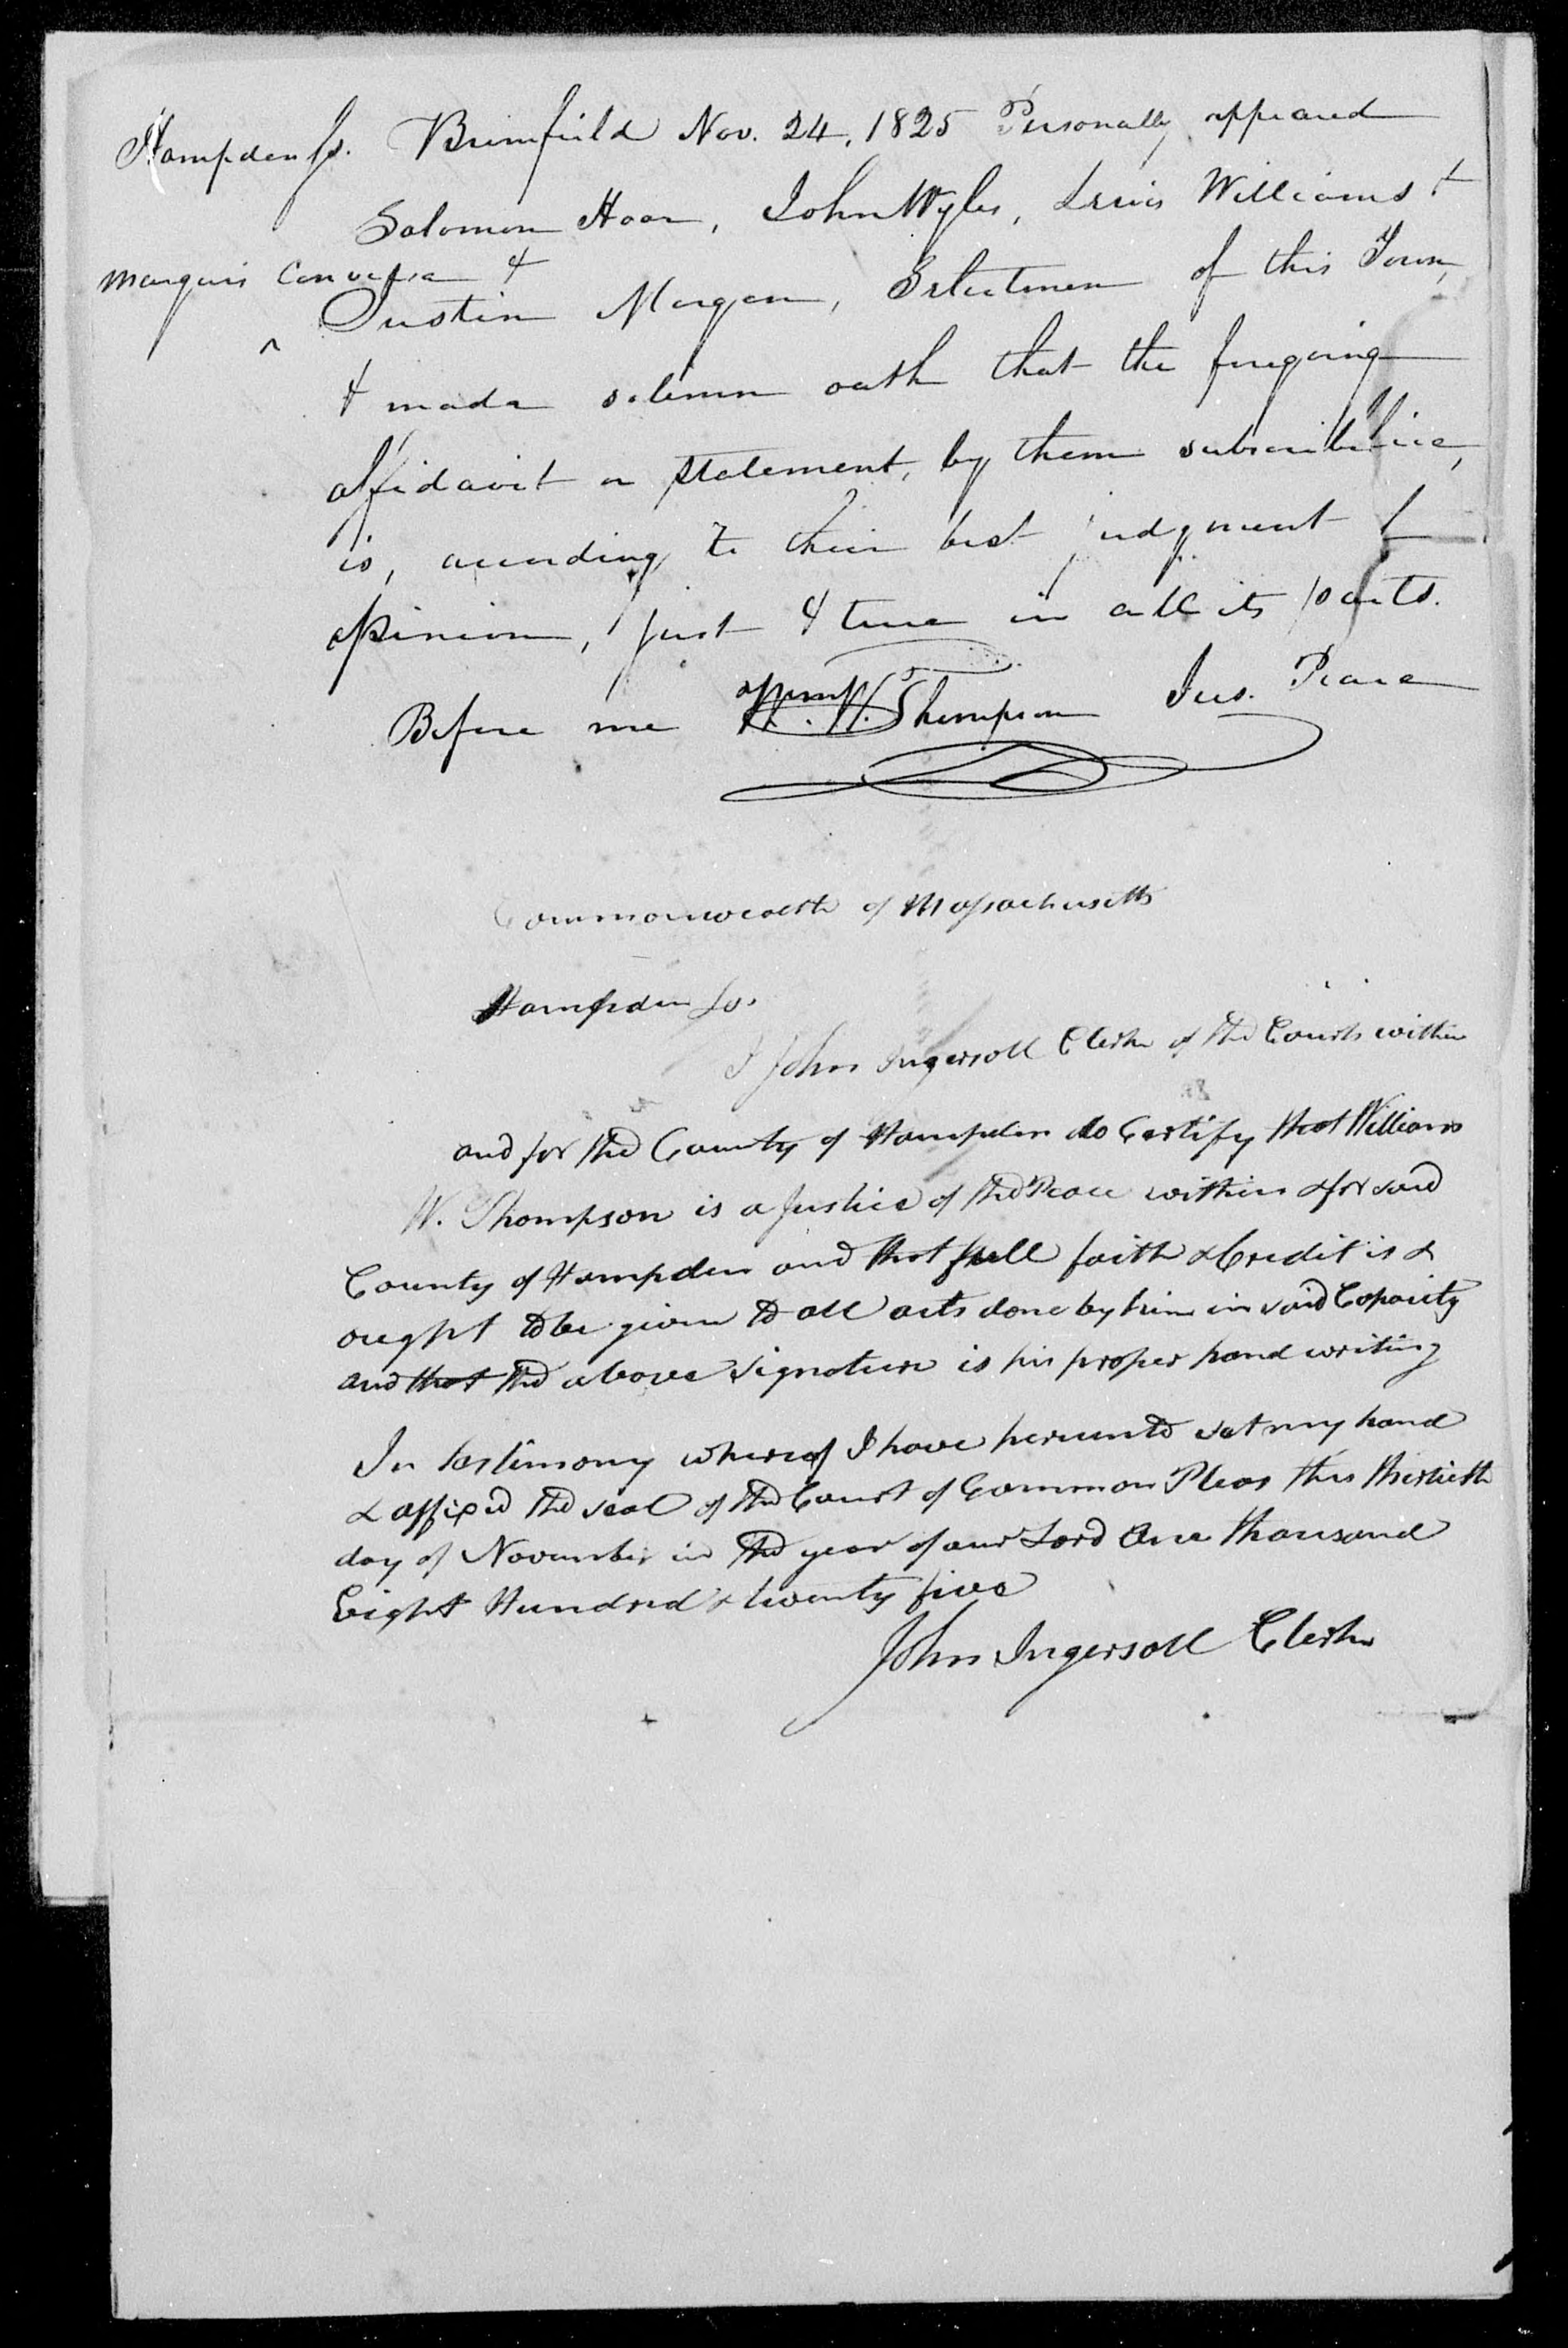Hampden
Brimfield Nov. 24, 1825 

Personally appeared Solomon Hoar, John Wyles, Lewis Williams, Marquis Converse, 
Justin Morgan, Selectmen of this town and made solemn oath that the foregoing
affidavit or statement by them subscribed,
to according to their best judgment &  opinion
Just & true in all its parts

Before me
William W Thompson
Jus. Peace

Commonwealth of Massachusetts
Hampden ss.
I John Prall Clerk of the Court with
and for the County of Hampden do Certify that William W. Thompson is a Justice of the Peace within aforesaid County of Hampden and that full faith & credit is & ought to be given to all acts done by him in said capacity and that the above signature is his proper hand writing

In testimony whereof I have hereunto set my hand affixed the seal of the Court of Common Pleas this thirtieth day of November in the year of our Lord One thousand Eight Hundred & twenty five
John Ingersoll Clerk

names: Lewis Williams, William W Thompson, Marquis Converse, John Ingersoll, John Ingersoll, Justin Morgan, Wm W Thompson, John Wyles, Solomon Hoar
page: 19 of 31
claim: survivor's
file: S. 34,839, Thomas Fay, Mass.